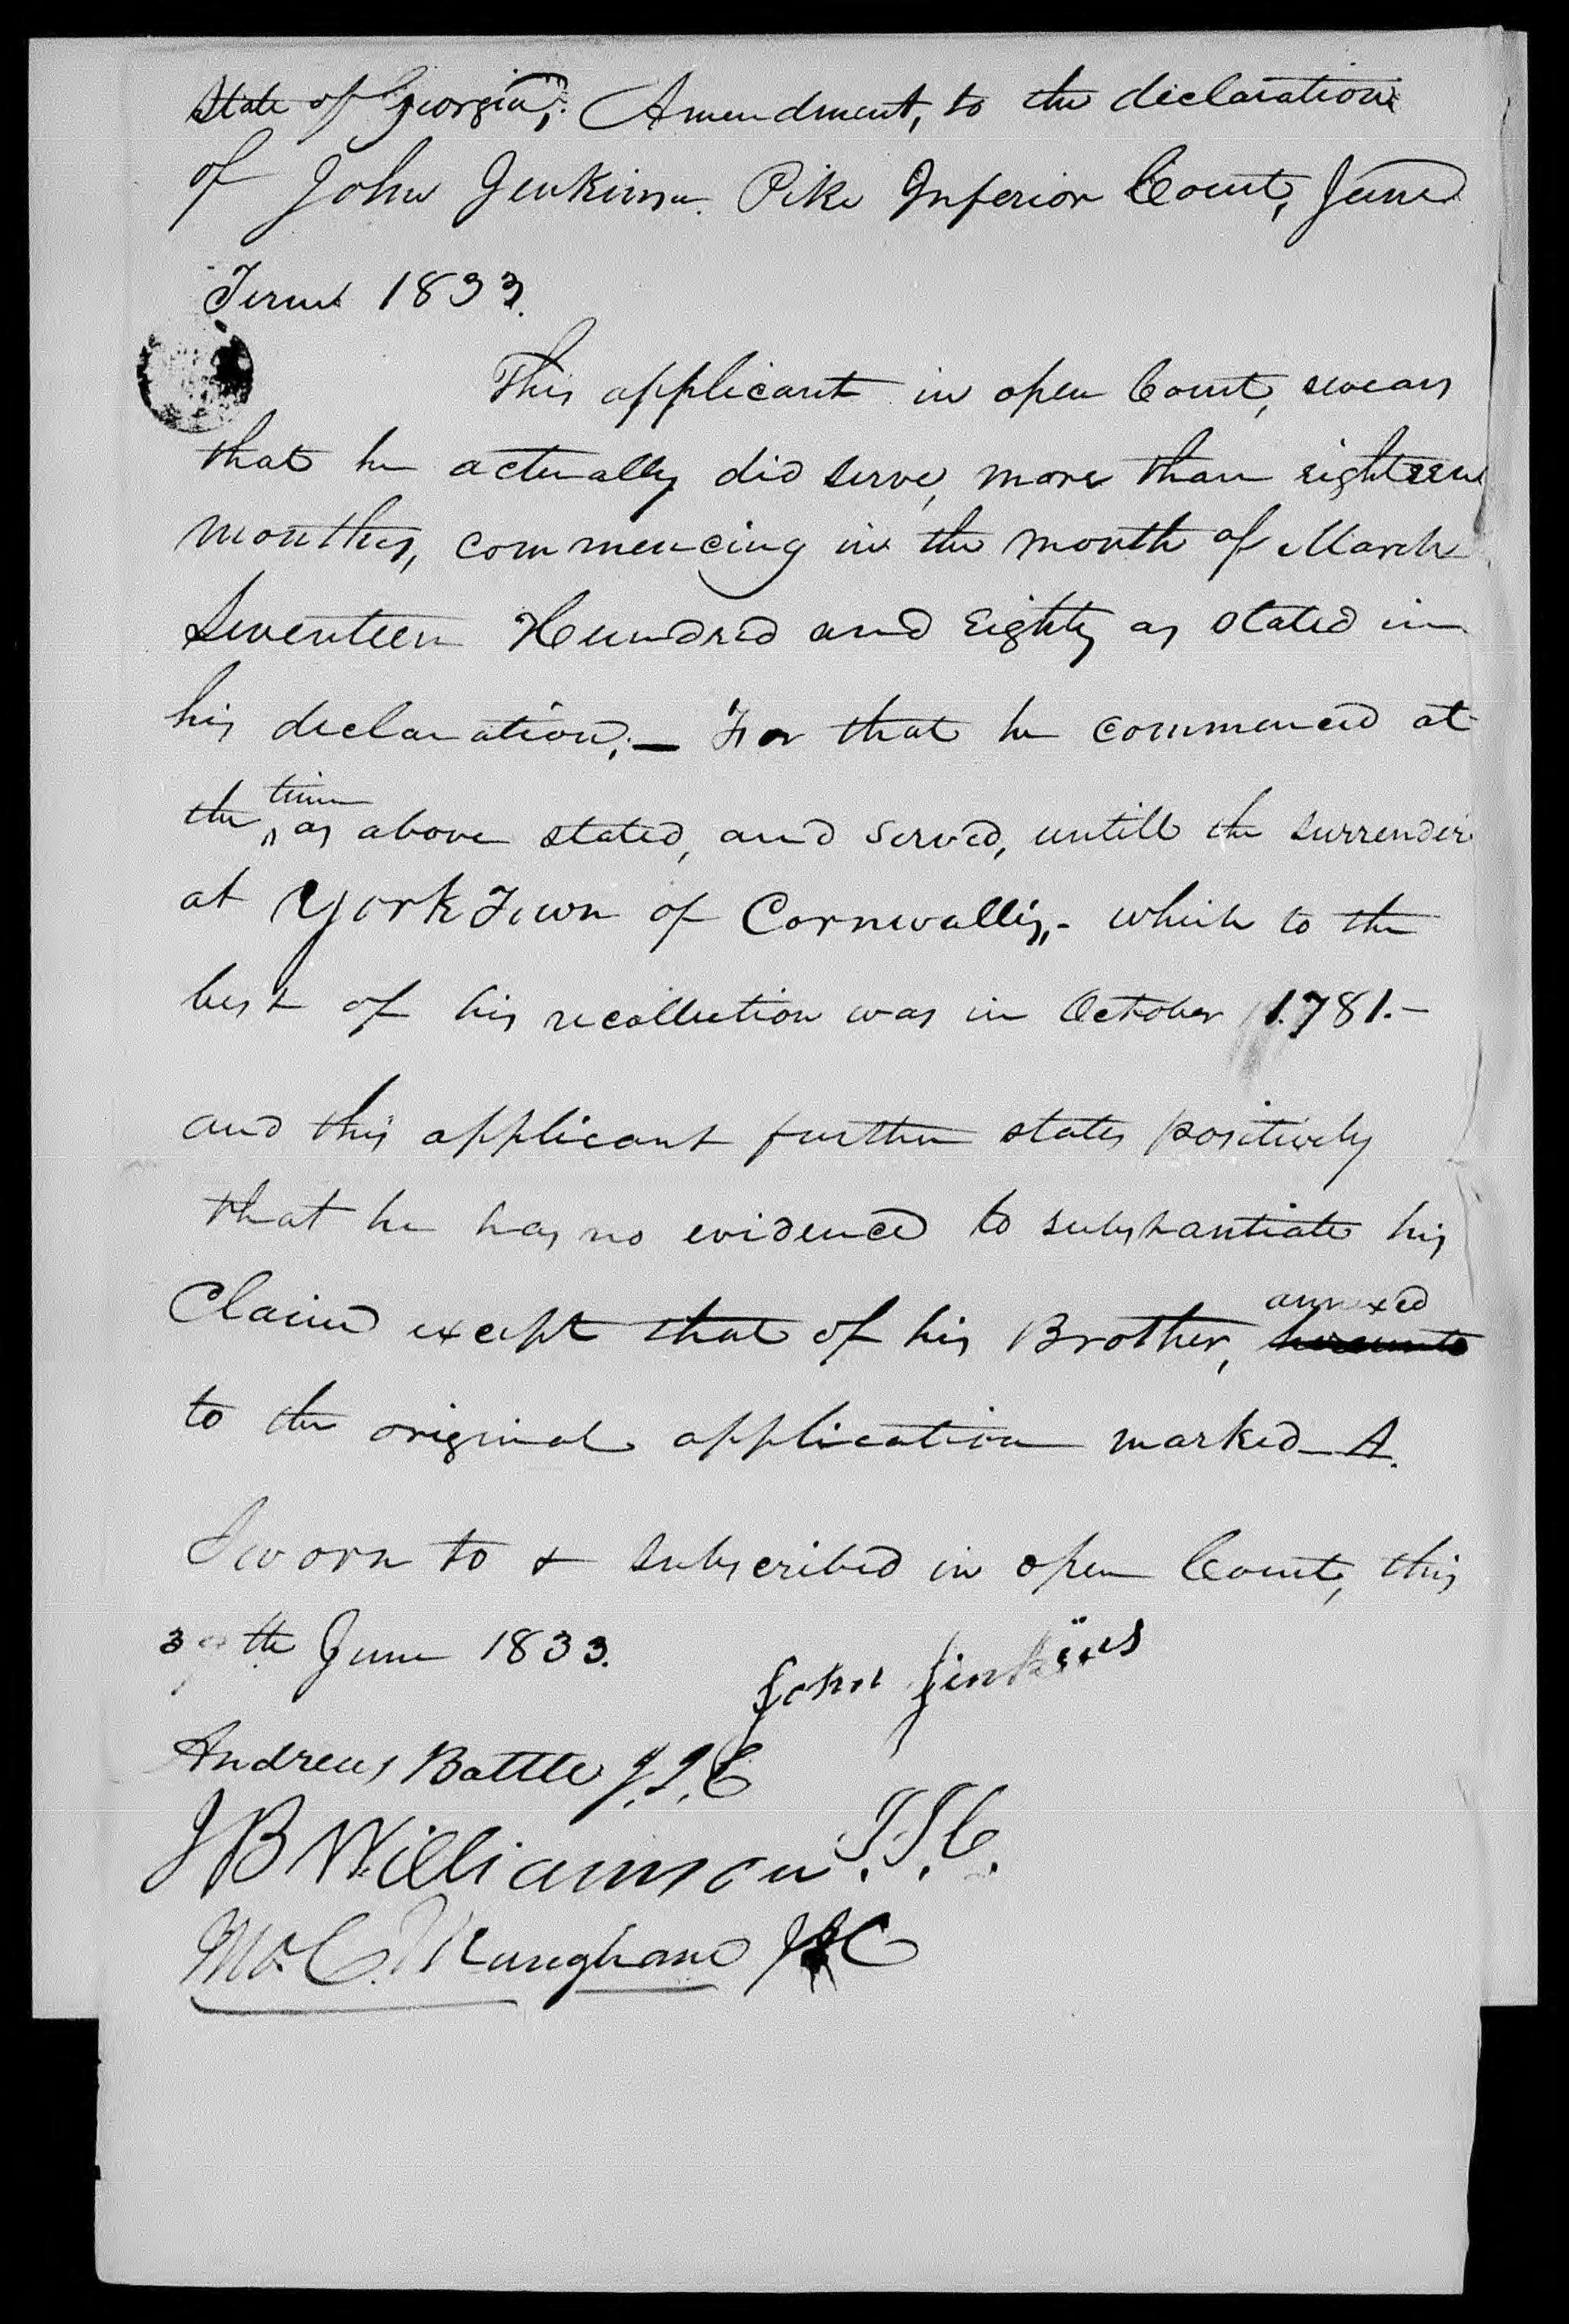State of Georgia, Amendment, to the declaration of John Jenkins. Pike Inferior Court, June Term 1833.
This applicant in open Court, swears
that he actually did serve more than eighteen
months, commencing in the month of March
Seventeen Hundred and eighty as stated in
his declaration. For that he commenced at
the time as above stated, and served untill the surrender at York Town of Cornwallis, which to the best of his recollection was in October 1781. and this applicant further states positively that he has no evidence to substantiate his claim except that of his Brother, annexed to the original application marked A.
Sworn to & subscribed in open Court, this 30th June 1833.
John Jenkins
Andrews Battle .J.I.C
J B Williamson J.I.C.
Mo C. Maughan JIC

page: 32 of 55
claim: widow's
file: W. 7894, for John Jenkins, Virginia